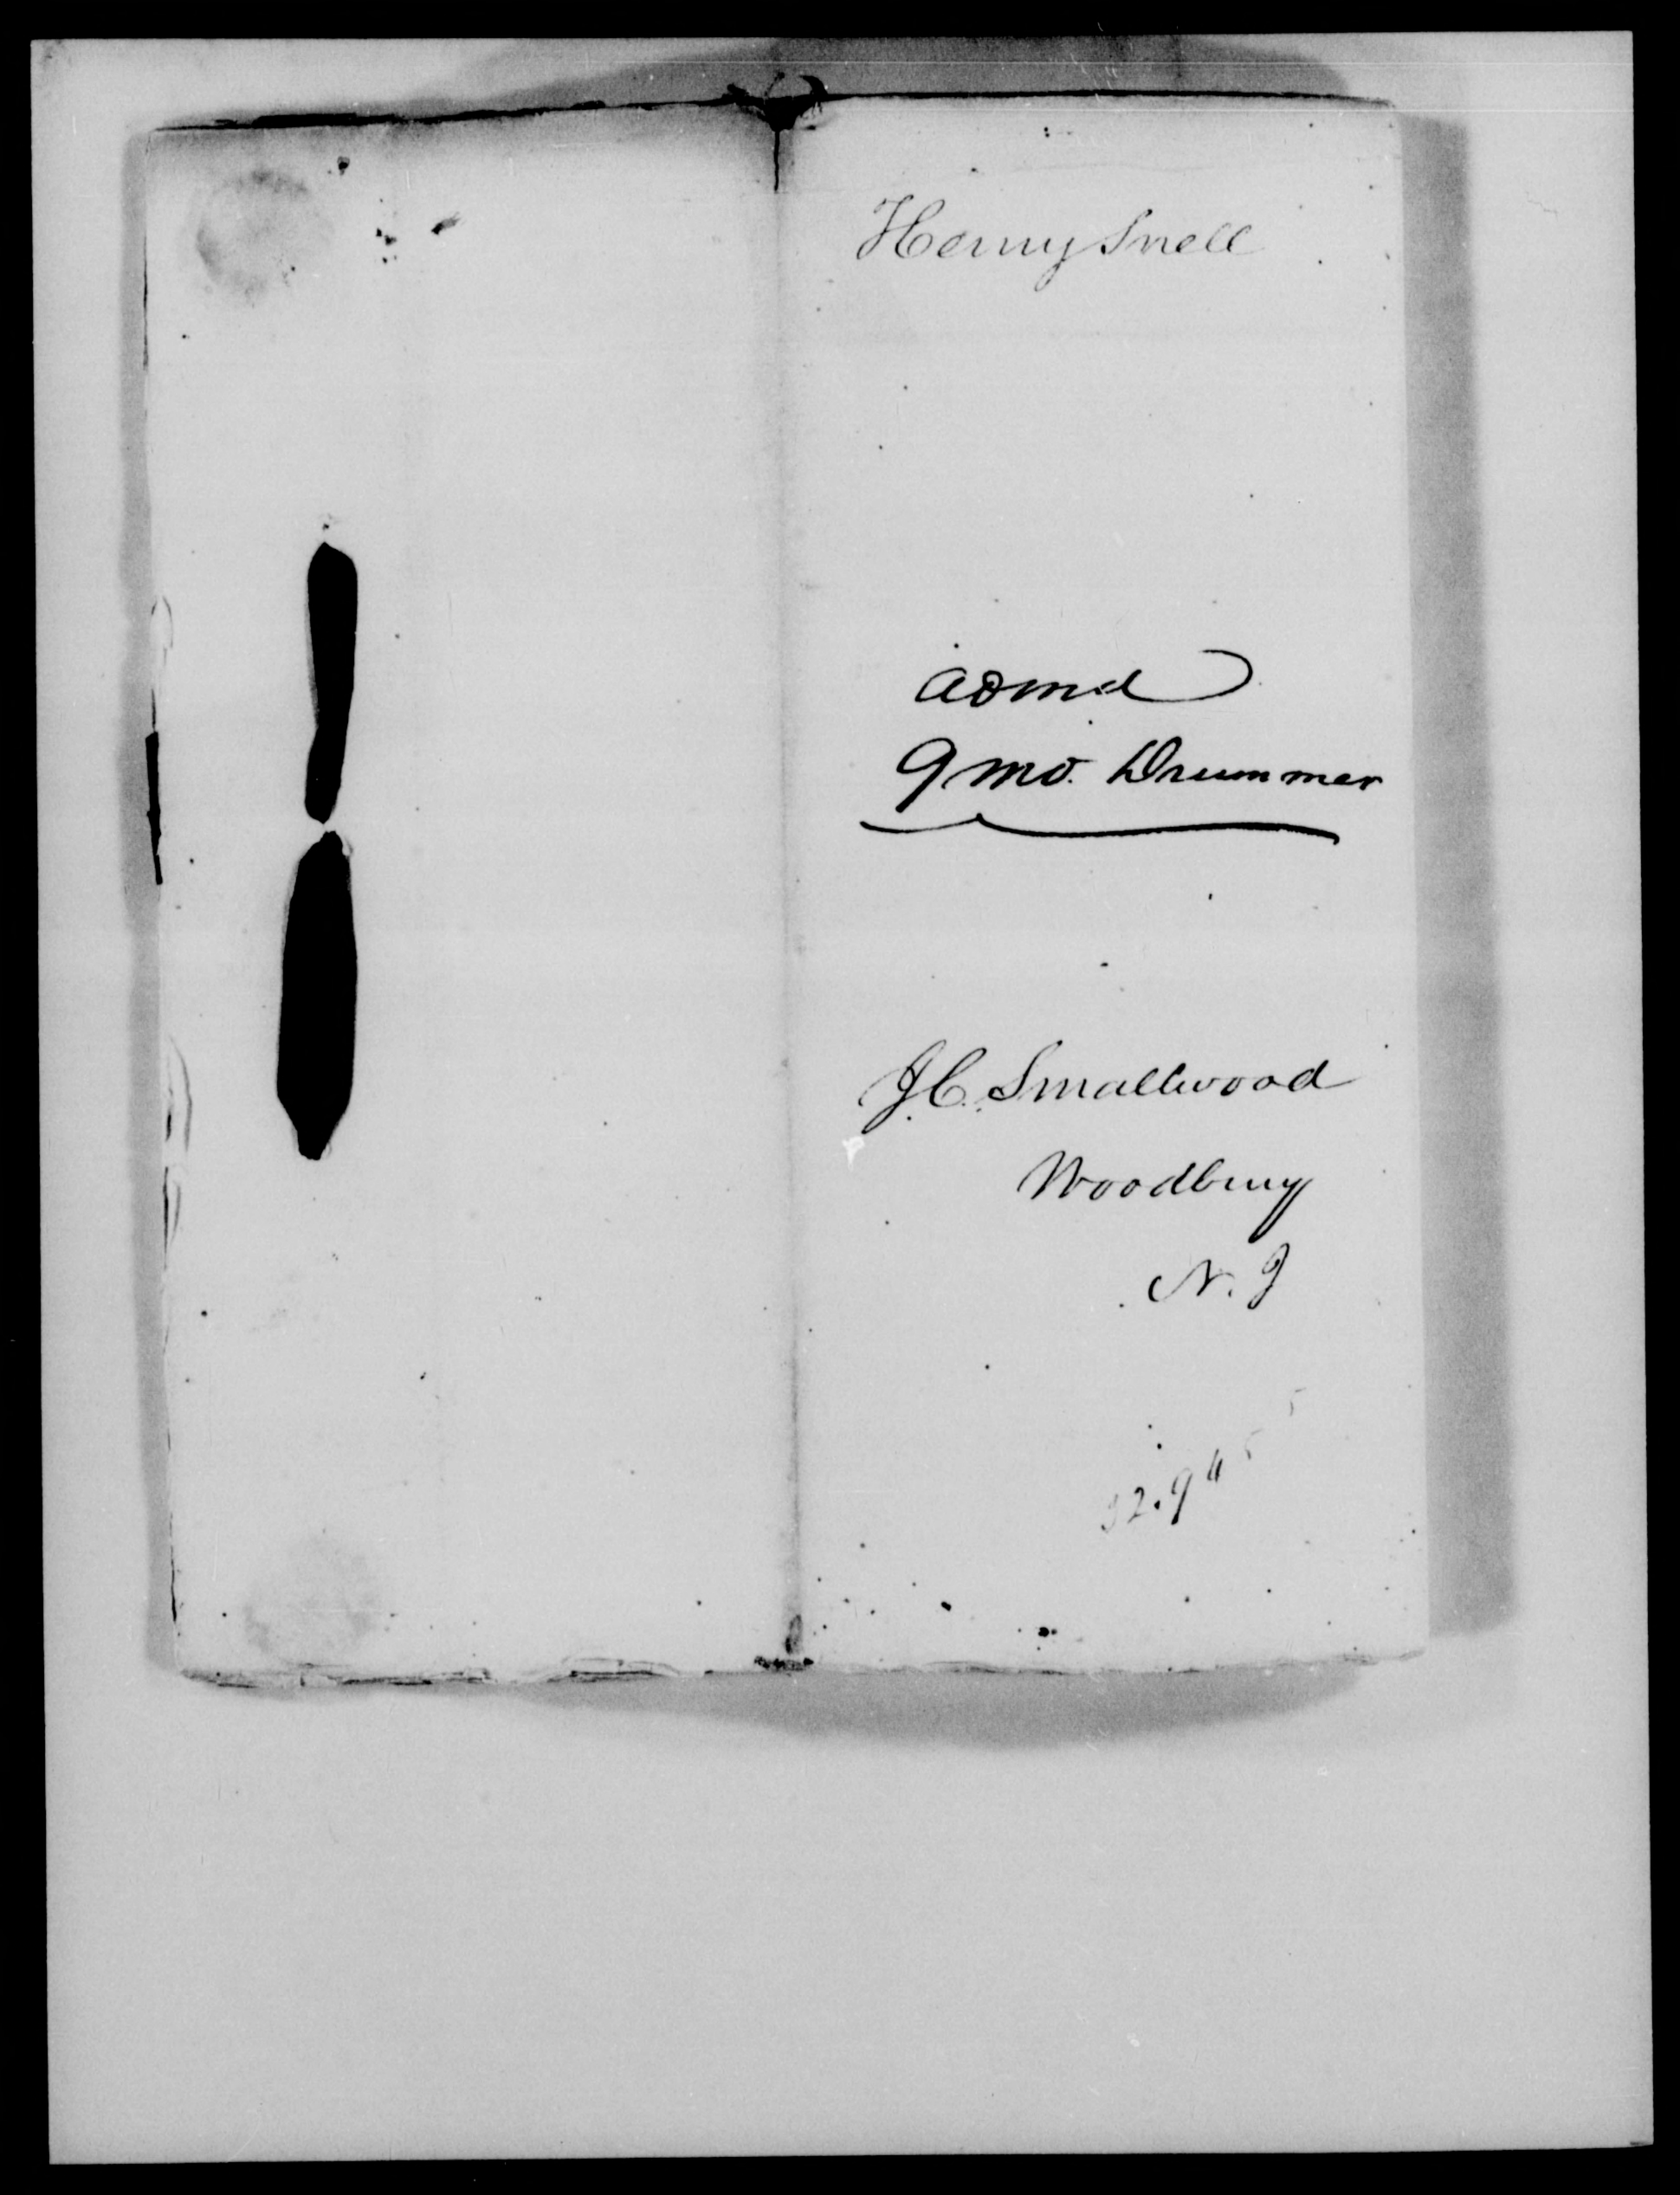Henry Snell

around 9 mo Drummer

J. C. Smallwood
Woodbury N.J.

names: Henry Snell; J C Smallwood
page: 7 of 27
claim: rejected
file: R. 9,892, for Henry Snell, New Jersey